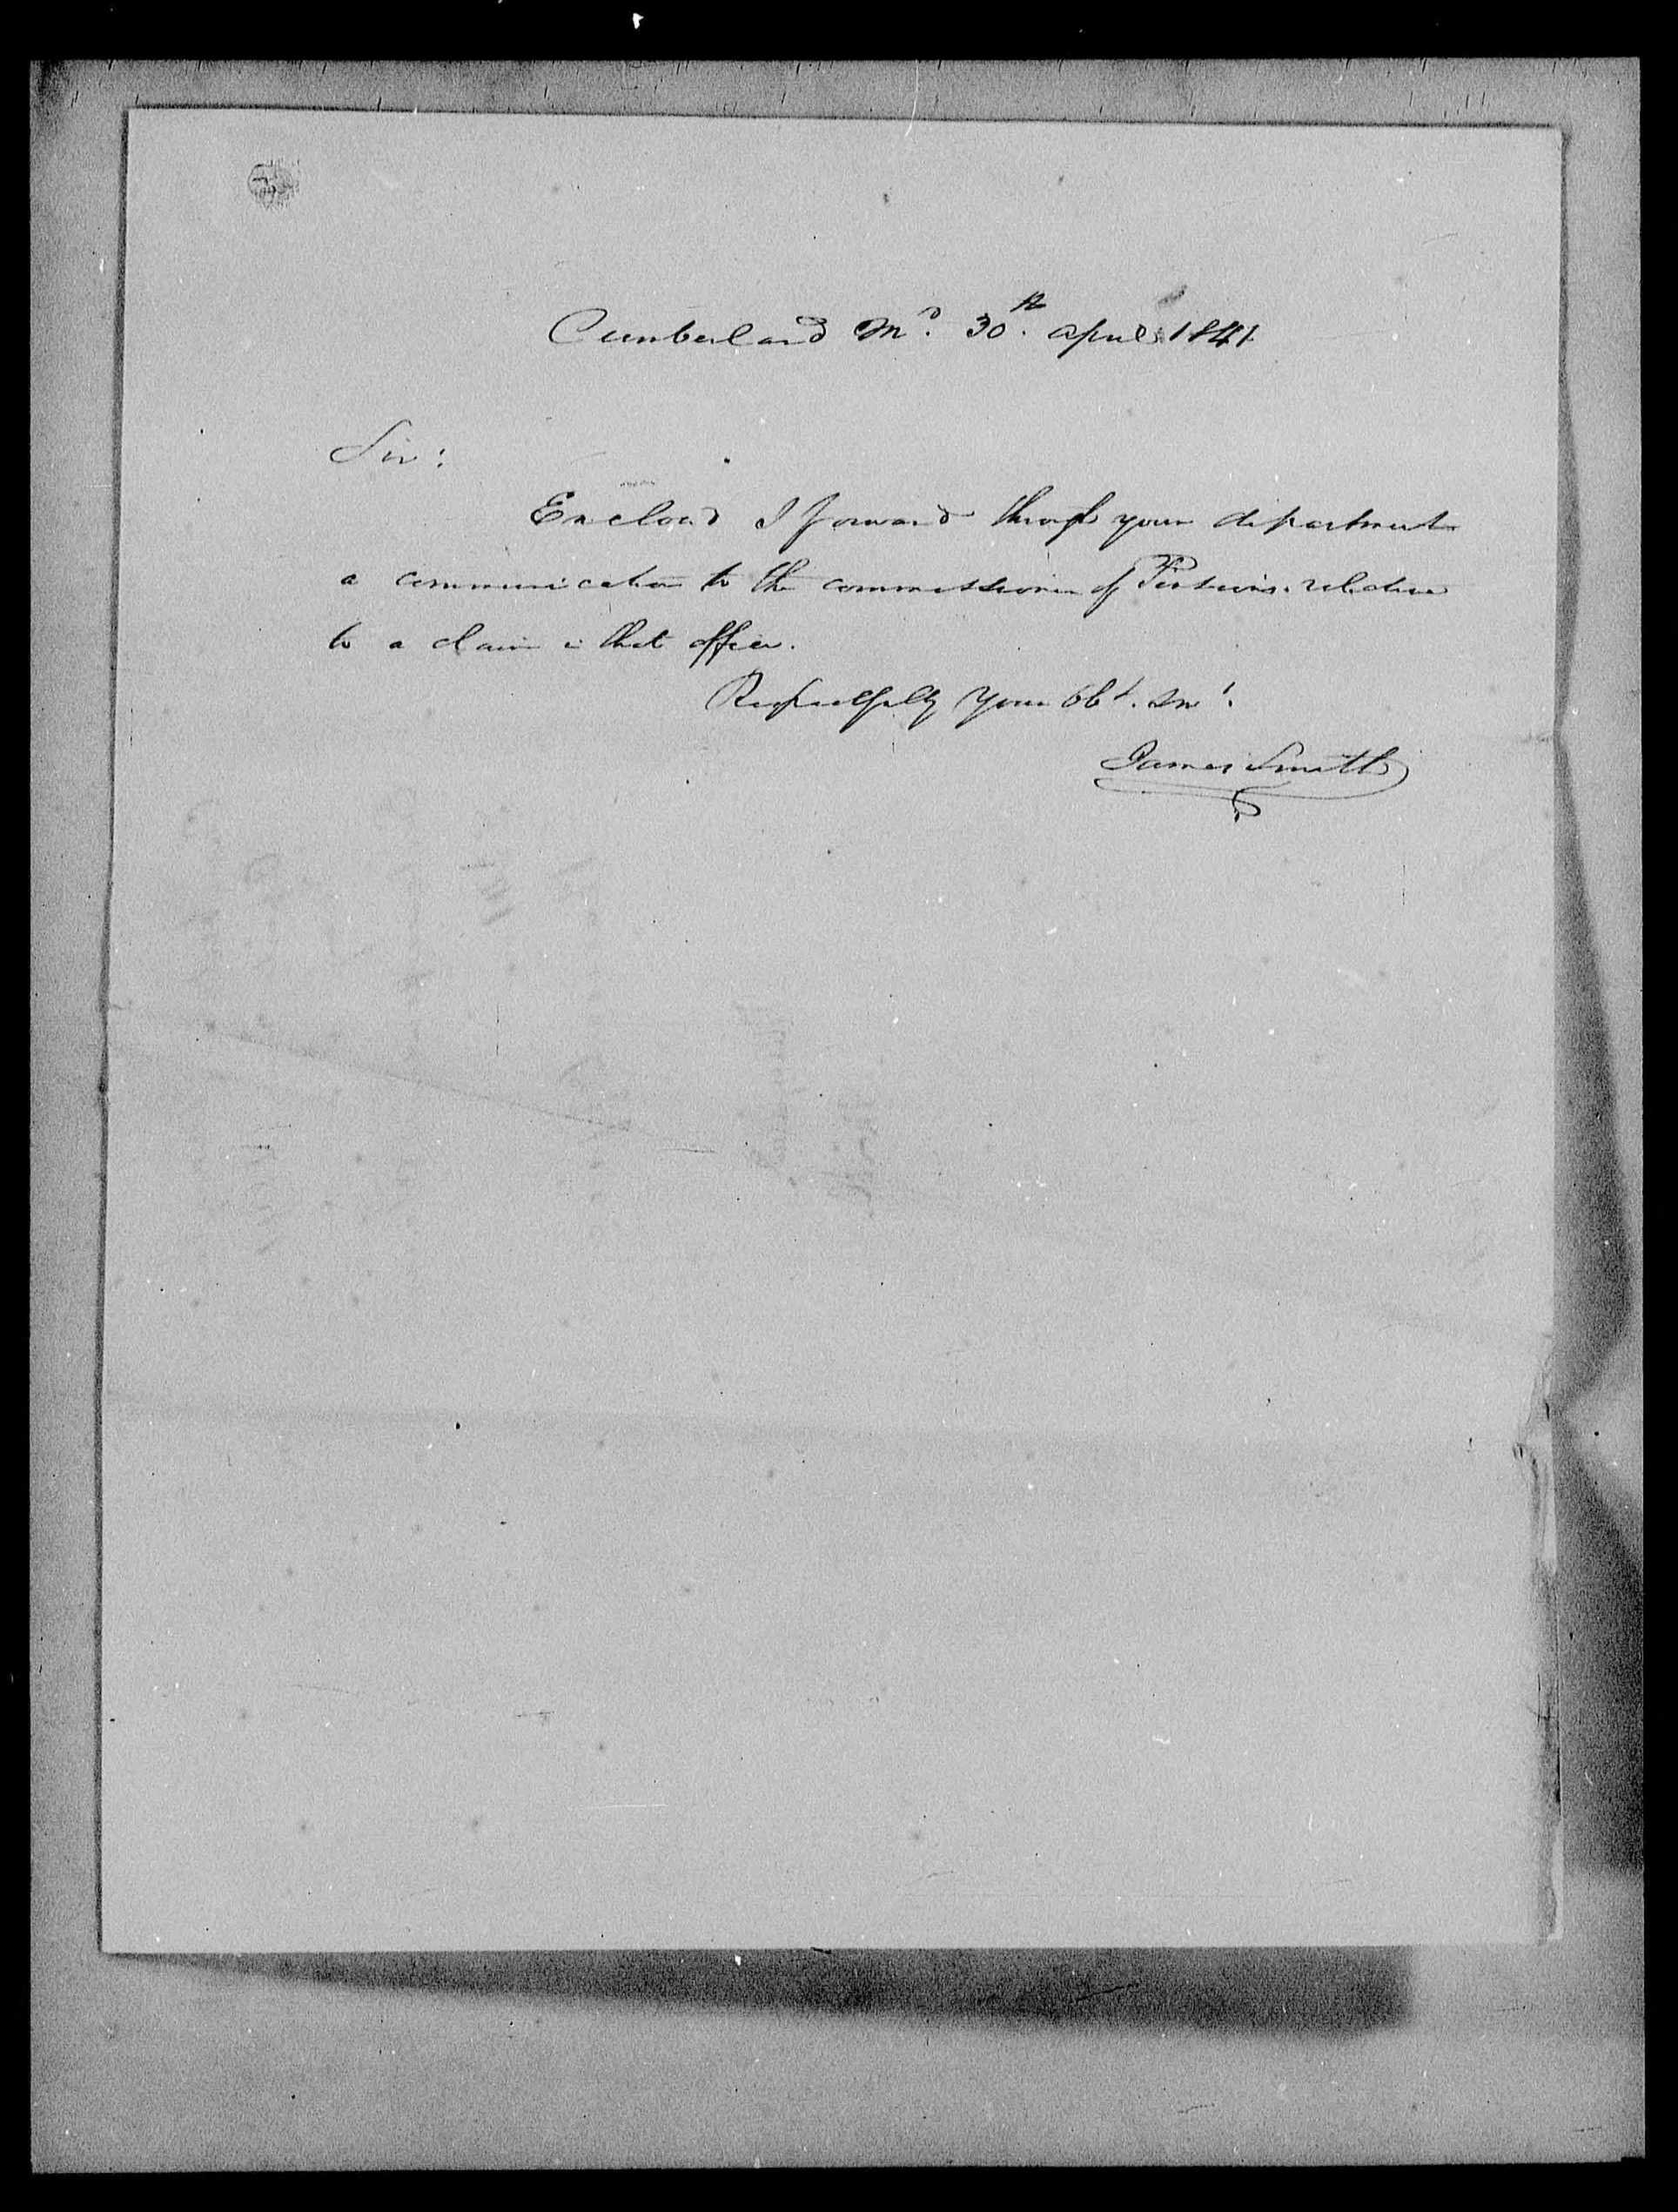Cumberland Md. 30th April 1841

Sir:
Enclosed I forward through your department a communication to the commissioner of Pensions relative to a claim in that office.
Respectfully your Obt. Svt.
James Smith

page: 20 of 25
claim: survivor's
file: S. 35093, for Richard R Tasker, Maryland